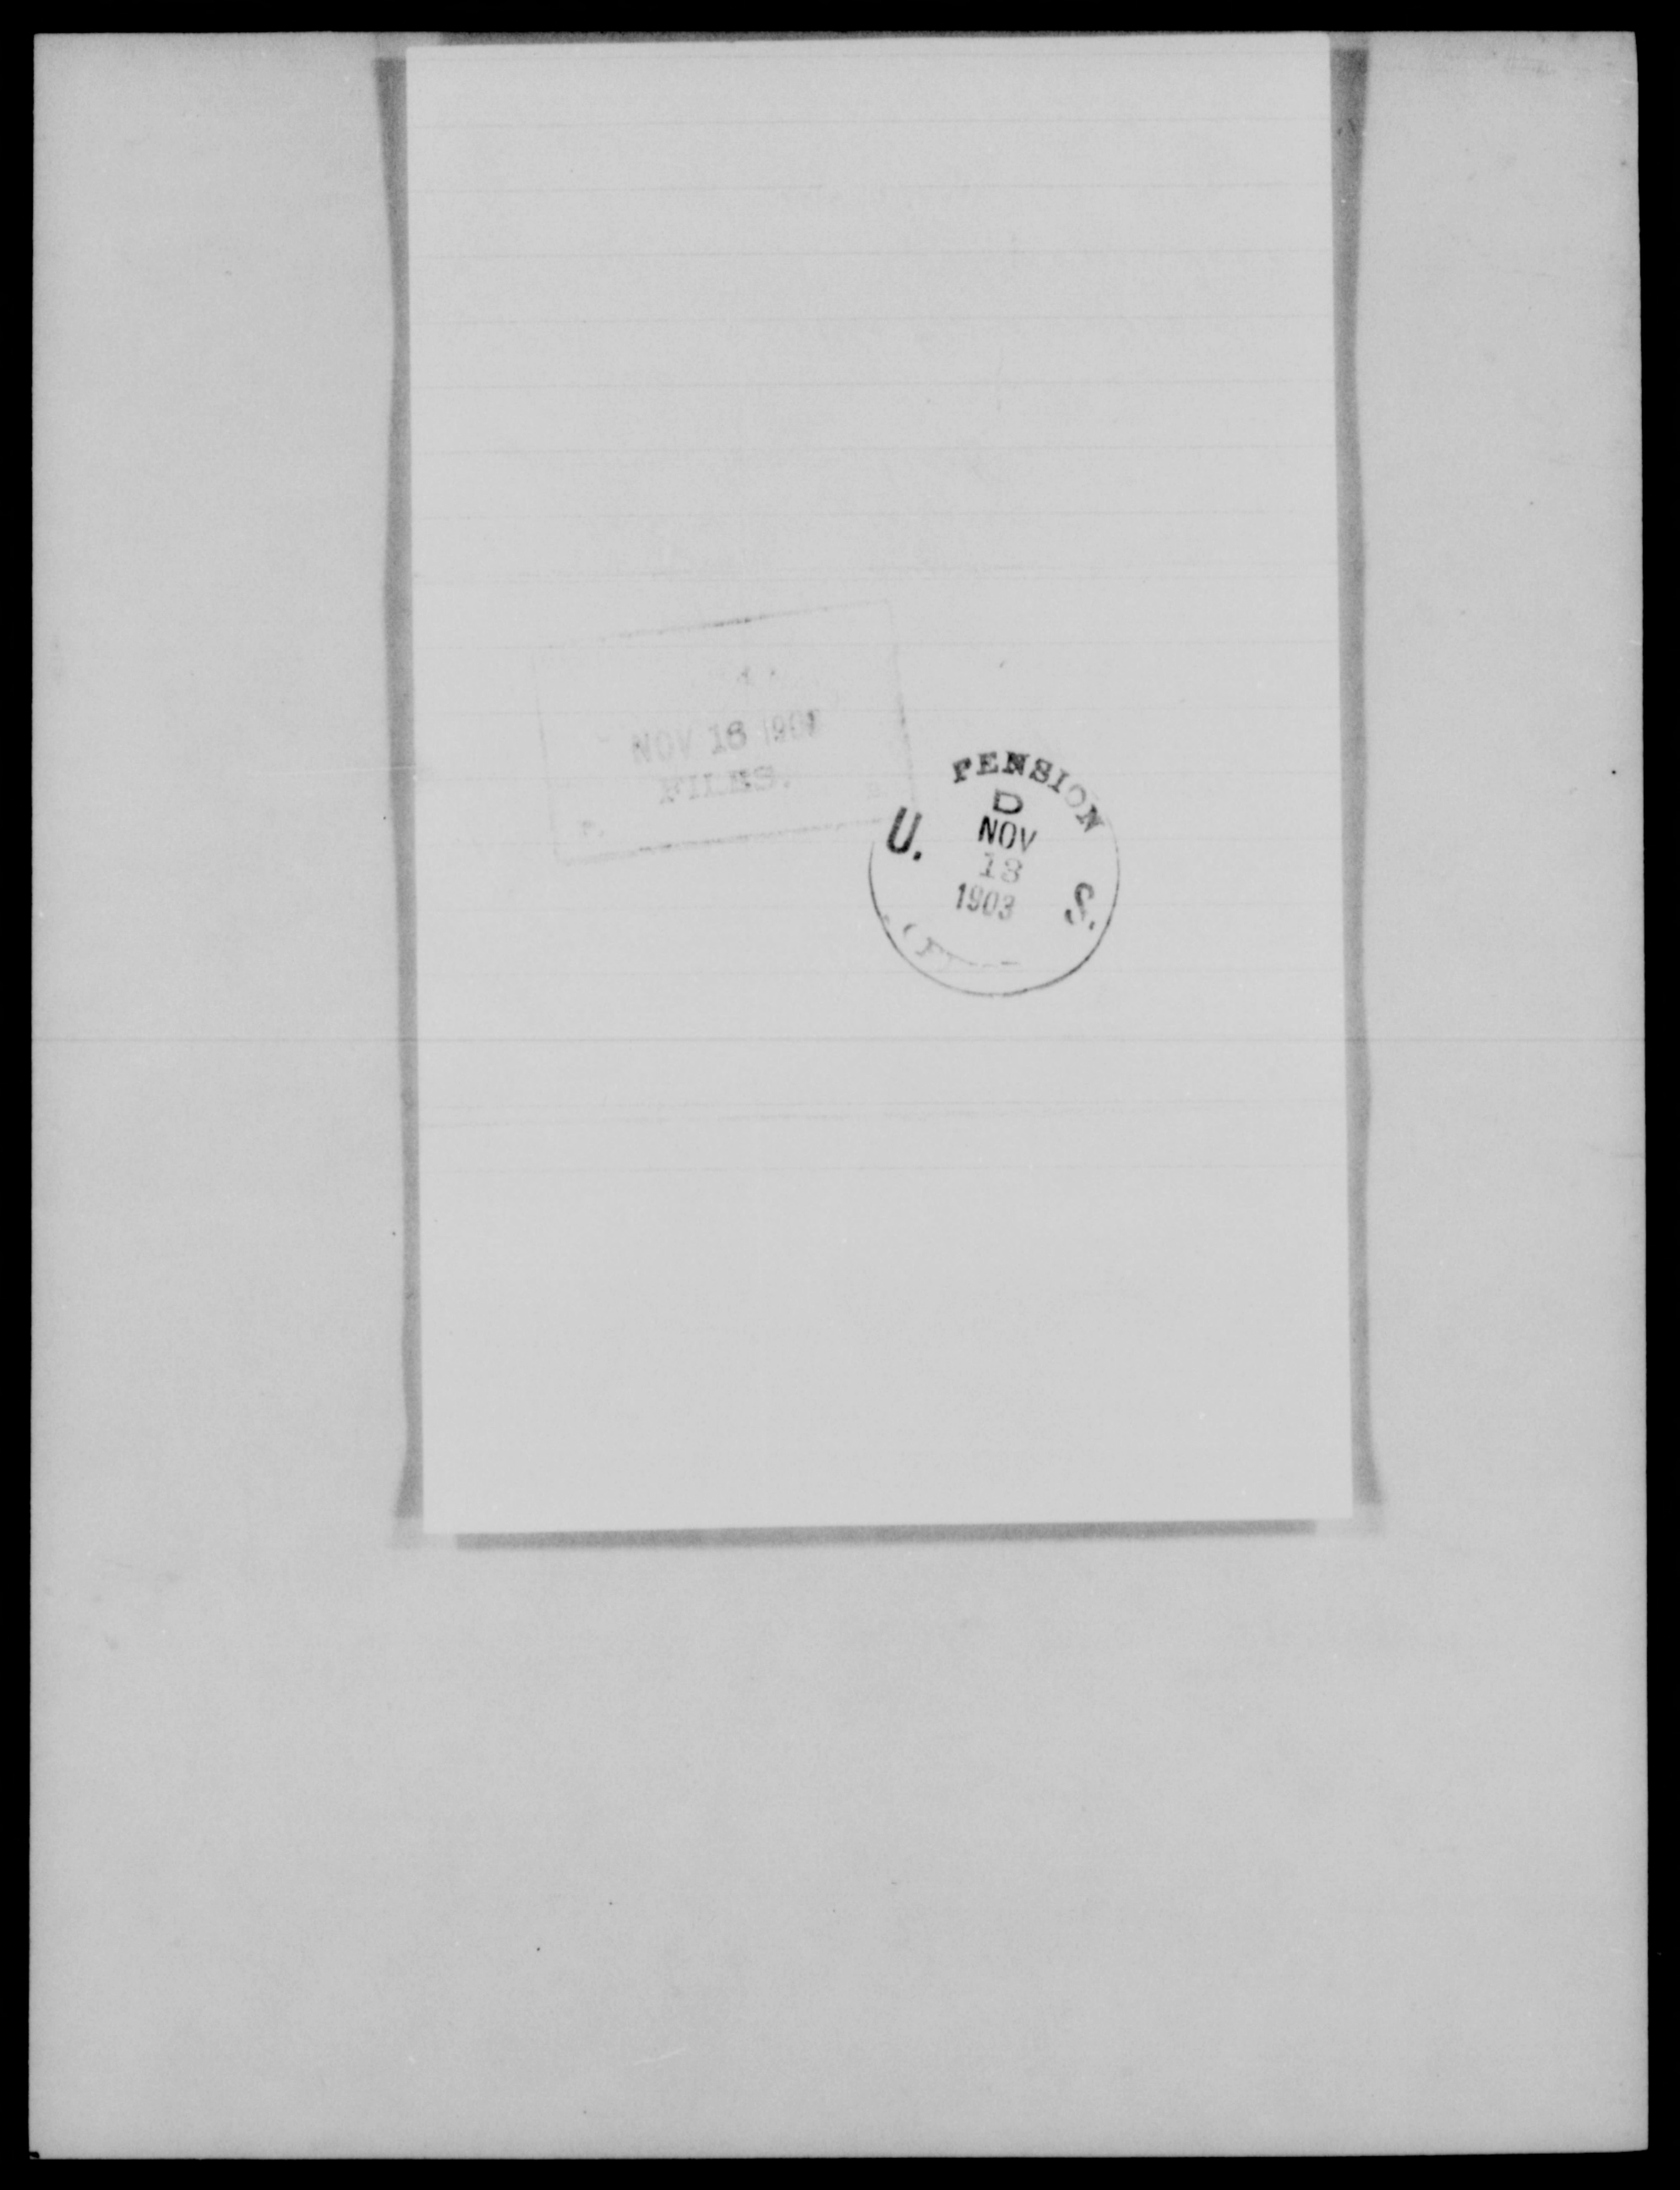[stamp] NOV 16 1901 FILES
[stamp] U.S. PENSION OFFICE D NOV 18 1903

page: 40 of 87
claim: widow's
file: W. 22,226, for Nathan Slawson, Connecticut